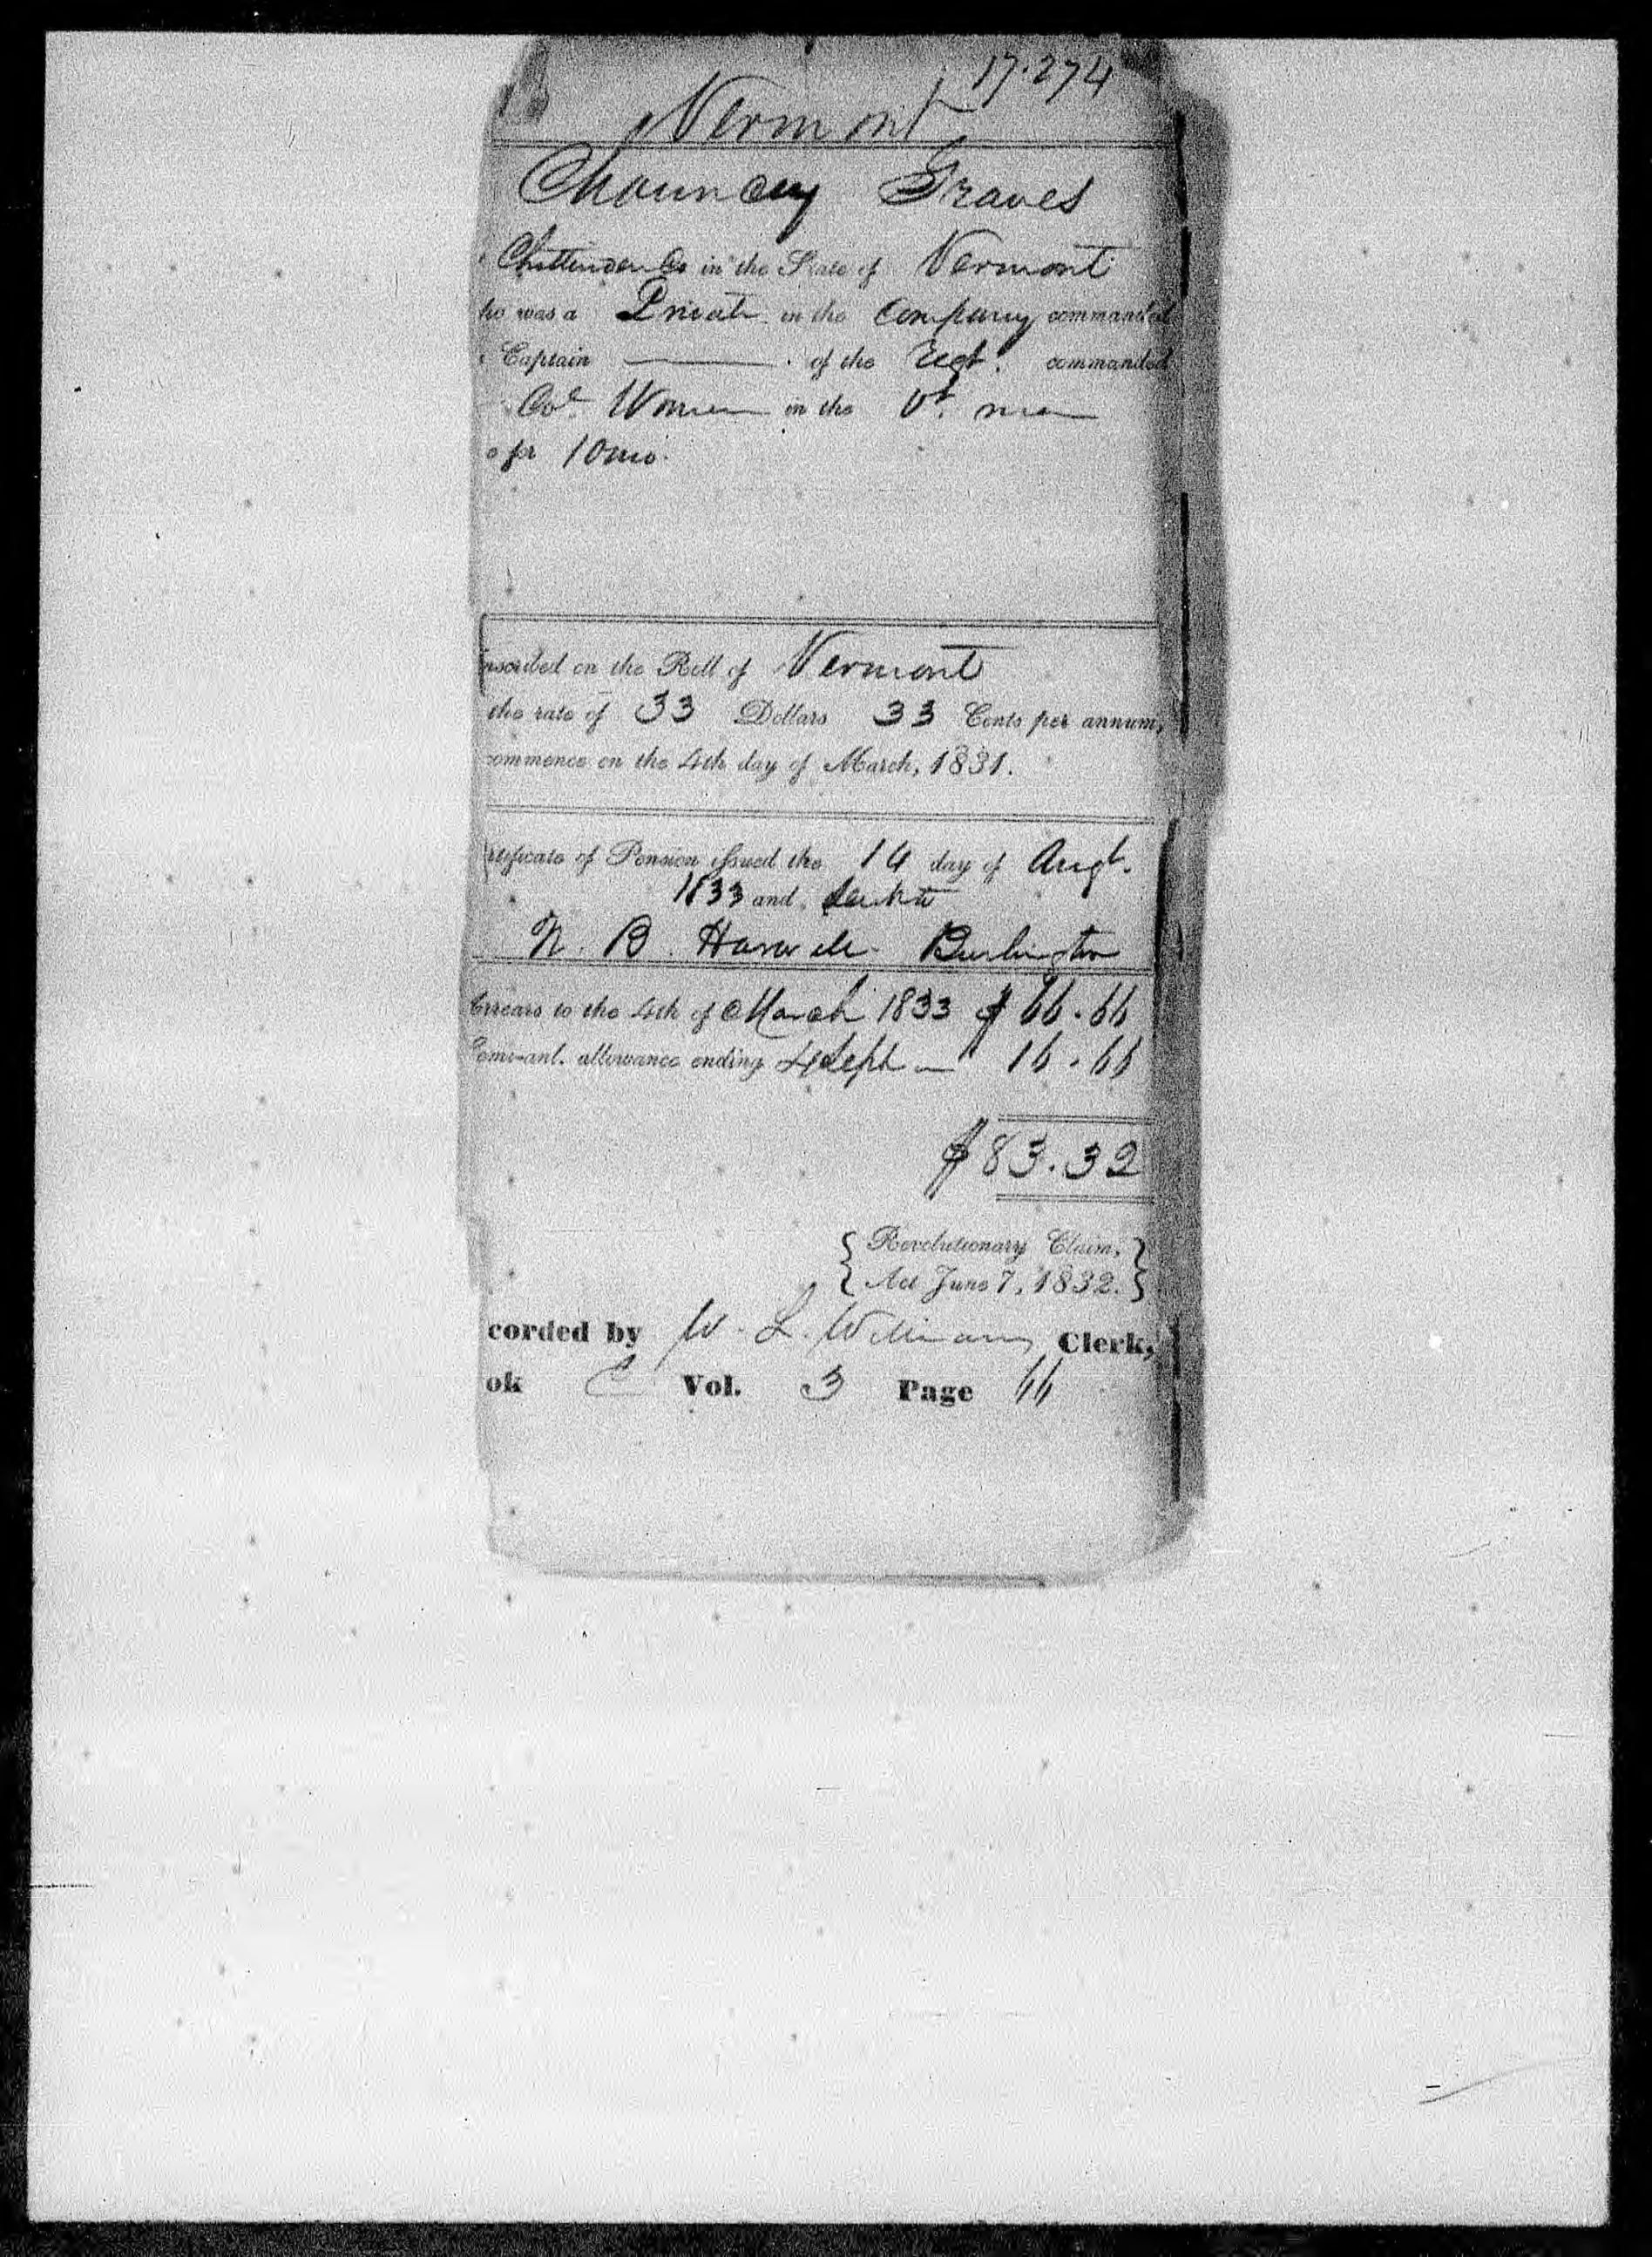17-274
Vermont
Chauncey Graves

Chittenden Co in the State of Vermont
He was a Private in the company commanded
Captain __________ of the rest commanded
Col Warner in the Vt [illegible] for 10 mo

Inscribed on the roll of Vermont the rate of 33 dollars 33 cents per annum commence on the 4th day of March 1831.

Certificate of pension issued the 14th day of Augt. 1833 and [illegible]
N. B. Haswell Burlington

Arrears to the 4th of March 1833 $66.66
Semi-anl allowance ending 4 Sept  16.66
$83.32

{Revolutionary Claim, }
{Act June 7, 1832        }

Recorded by W. L. Williams Clerk
Book [illegible] Vol. 3 Page 66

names: N B Haswell, Chauncey Graves, W L Williams, Warner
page: 2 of 24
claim: survivor's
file: S. 15869, Chauncey Graves, Vt.